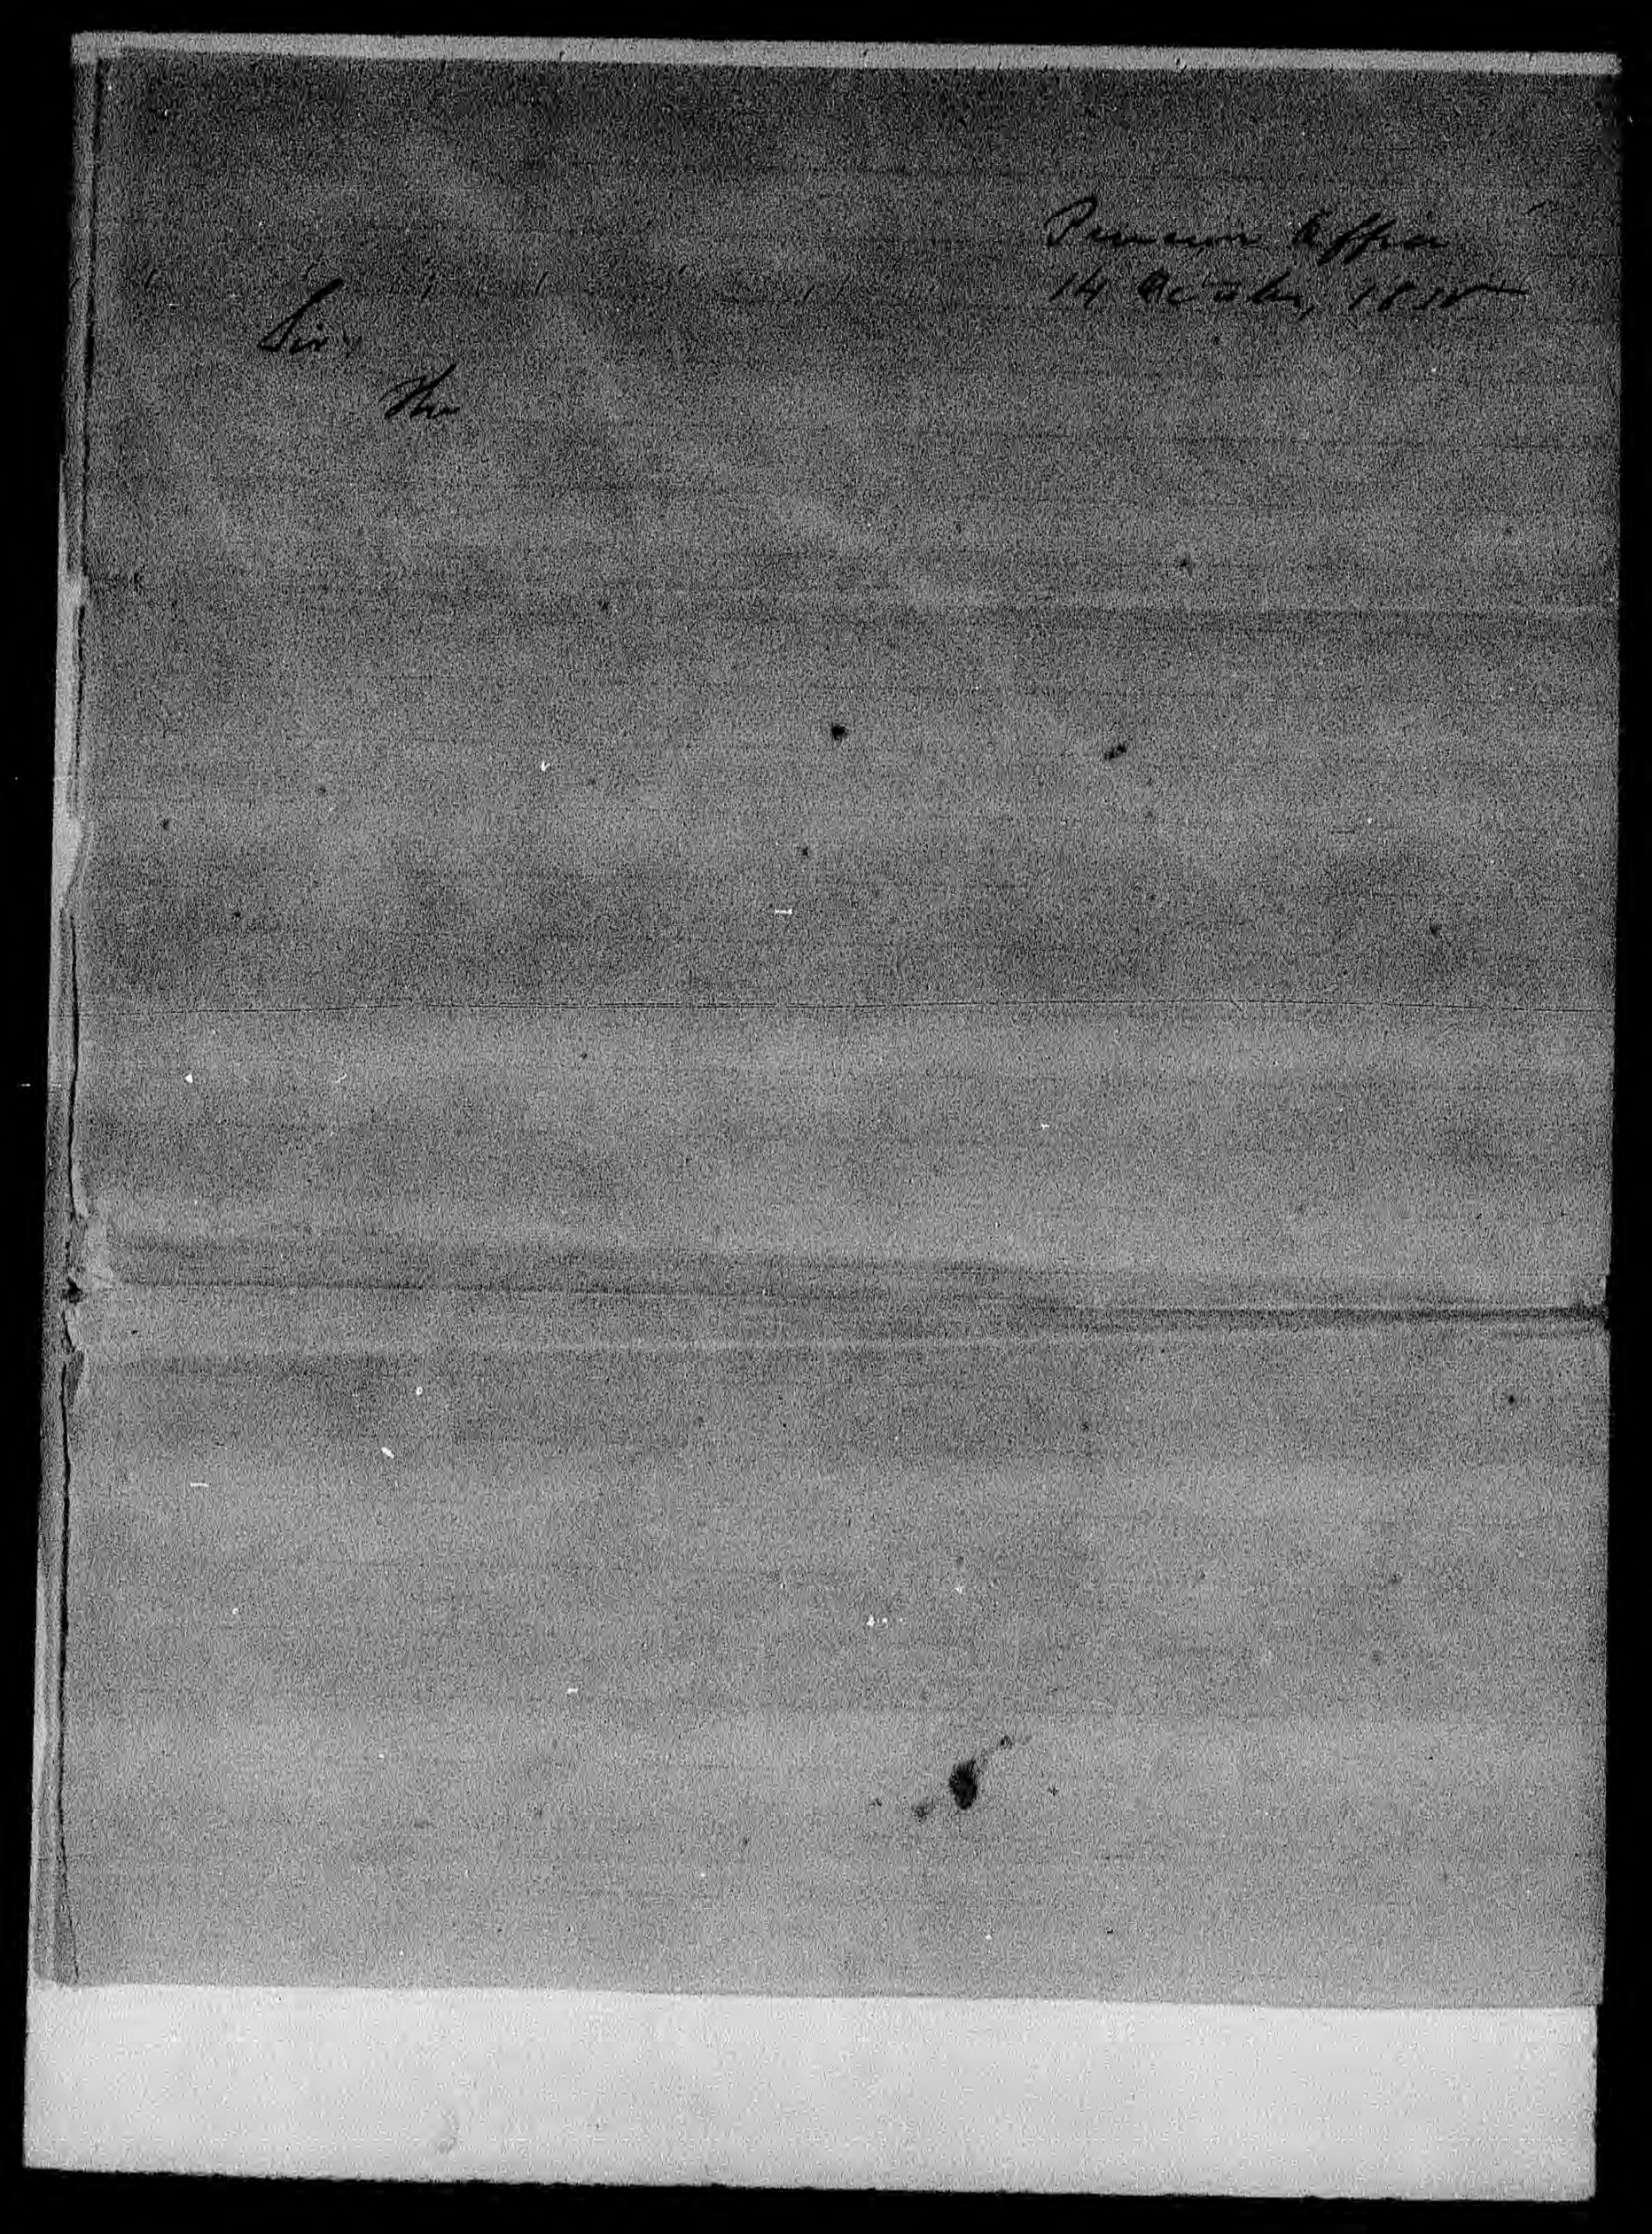Pension Office
                                             14 October 18 .... [/]

Sir
   The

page: 18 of 34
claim: widow's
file: W. 1596, Joseph Gregory, Conn.